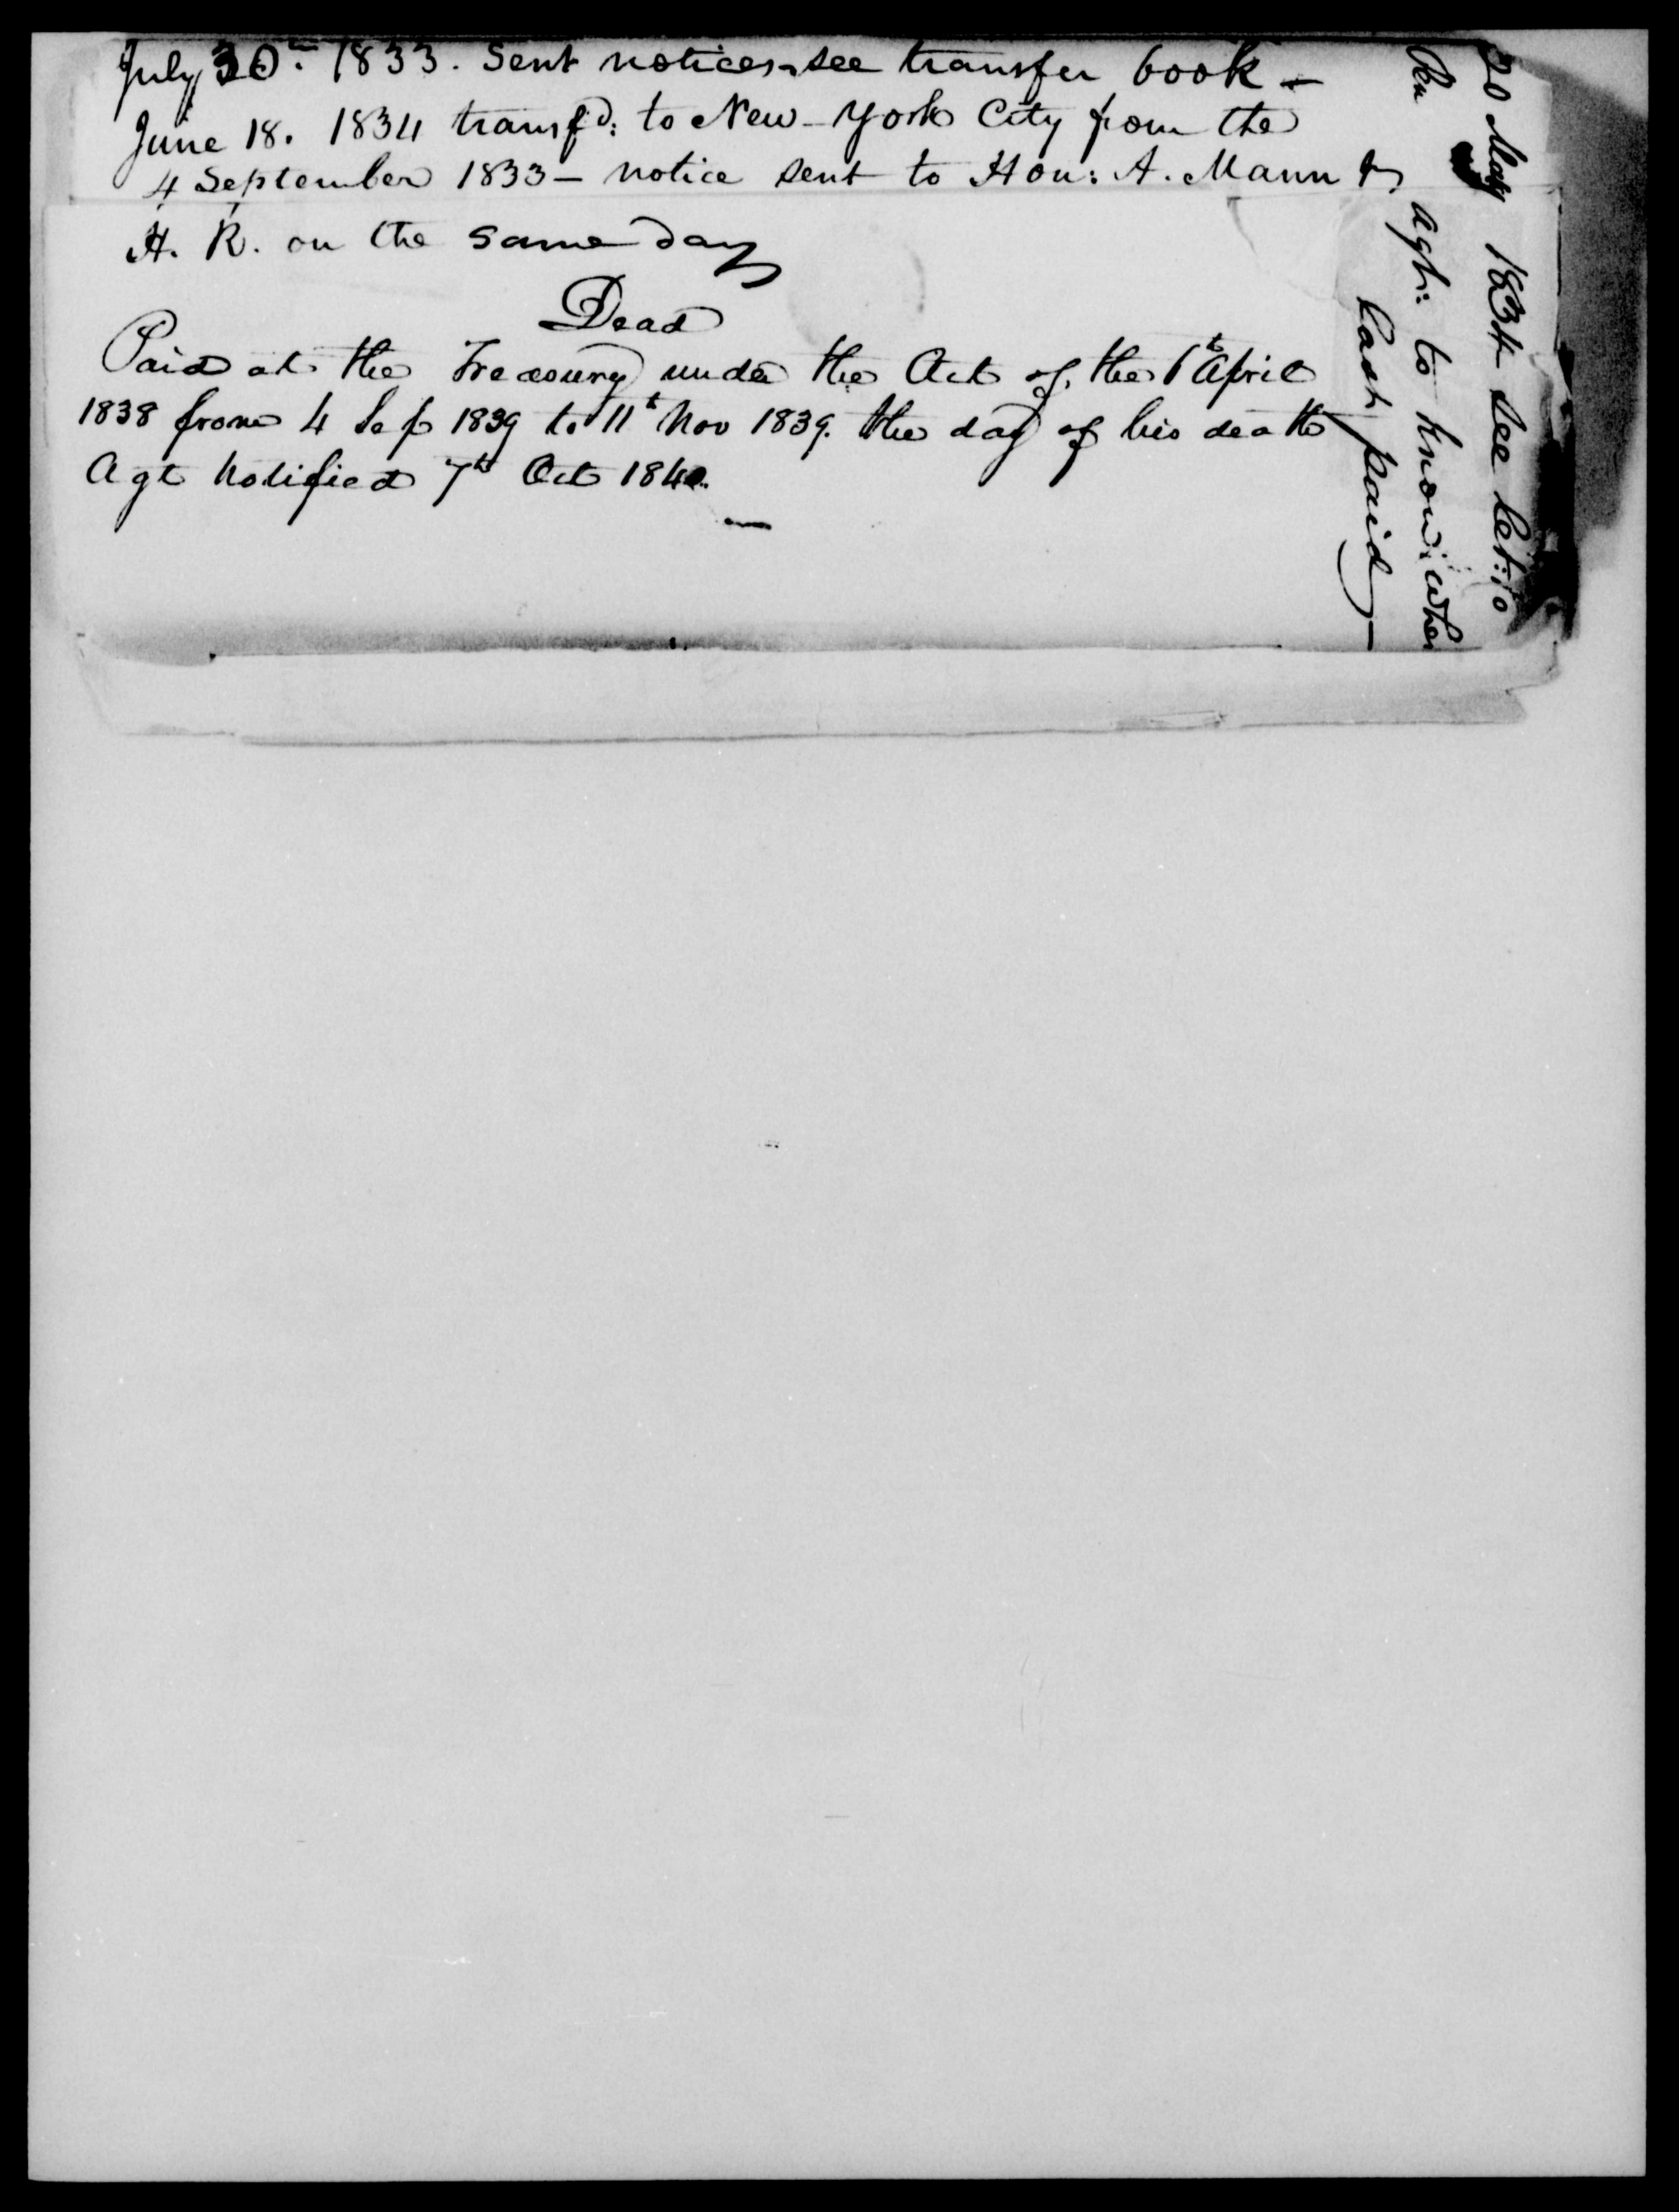July 30. 1833. Sent notices, see tranfer book
June 18. 1834 transfd to New York City from the
4 September 1833 - notice sent to Hon. A. Mann by
H.R. on the same day
Dead
Paid at the Treasury under the Act of the 1st April
1838 from 4 Sep 1839 to 11th Nov 1839 the day of his death
Agt notified 7th Oct 1840

20 May 1834 see [illegible]
agt. to know when 
last paid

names: A Mann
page: 20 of 31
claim: survivor's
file: S. 14484, for Sylvanus Simmons, New York